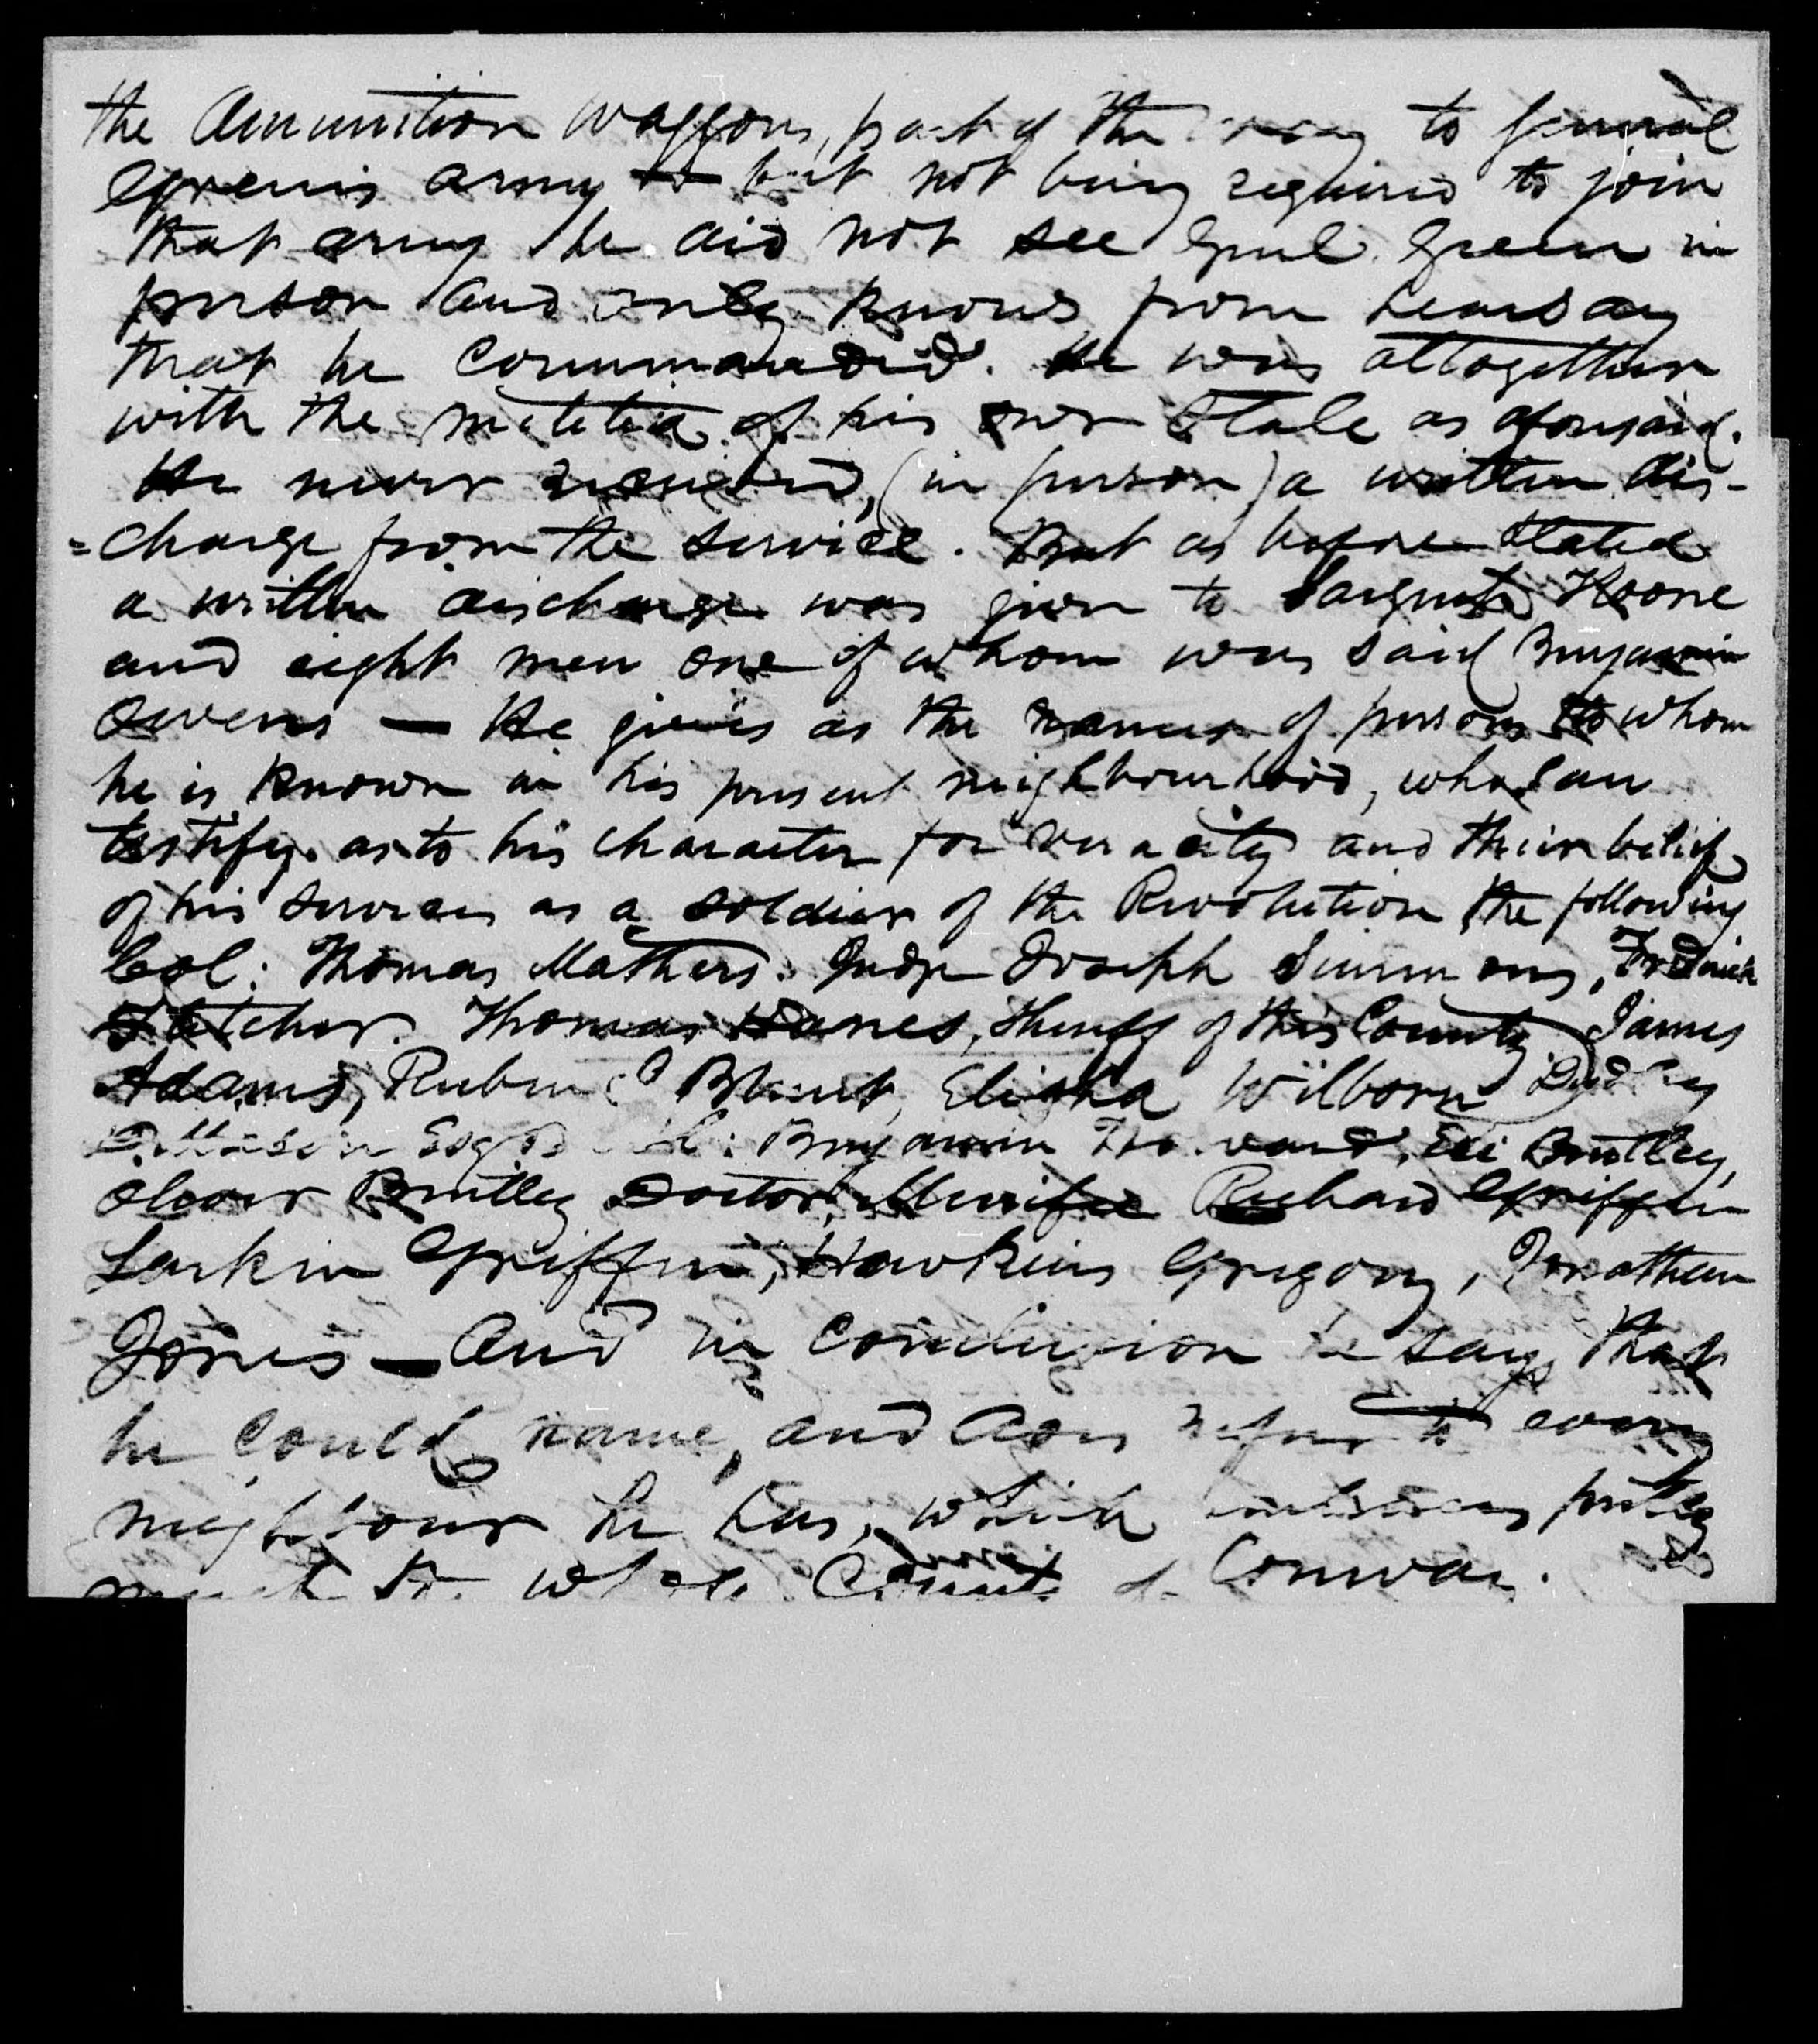the amunition waggons, part of the way to General Green's army but not beinn required to join that army he did not see Genl Green in person and only knows from hearsay that he commanded. He was altogether with the militia of his own state as aforesaid.  He never received (in person) a written discharge
from the service. But as before stated a written discharge was given to Sargent Koone and eight men one of whom was said Benjamin
Owens - He gives as the names of persons to whom he is known in his present mighbourhood, who can testify as to his character for veracity and their belief
of his service as a soldier of the Revolution the following Col: Thomas Mathers Judge Joseph Summon Frederick Flet.cher Thomas Hanes, Sheriff of this County James Adams, Ruben Bluit, Elisha Wilborn Dudley Dobbeson Esqr Col: Benjamin Thoneand; Eli Bentley, Oliver Jointly Doctor, Menifee Richard Griffin Larkin
Griffin, Hawkins Gregory, Jonathan Jones - and in conclusion he says that he could name, and ron before to every neighbour he has, which
son [illegible] putly much the whole county of Conway.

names: Ruben Blunt; Elisha Wilborn; Thomas Mathers; Joseph Simmons; Richard Griffin; Oliver Bentley; Benjamin Owens; James Adams; Dudley Patterson; Thomas Hanes; [BLANK] Green; Frederick Fletcher; Hawkins Gregory; Benjamin Howard; Larkin Griffin; Jonathan Jones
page: 9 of 28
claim: rejected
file: R. 7846, for Benjamin Owens, South Carolina